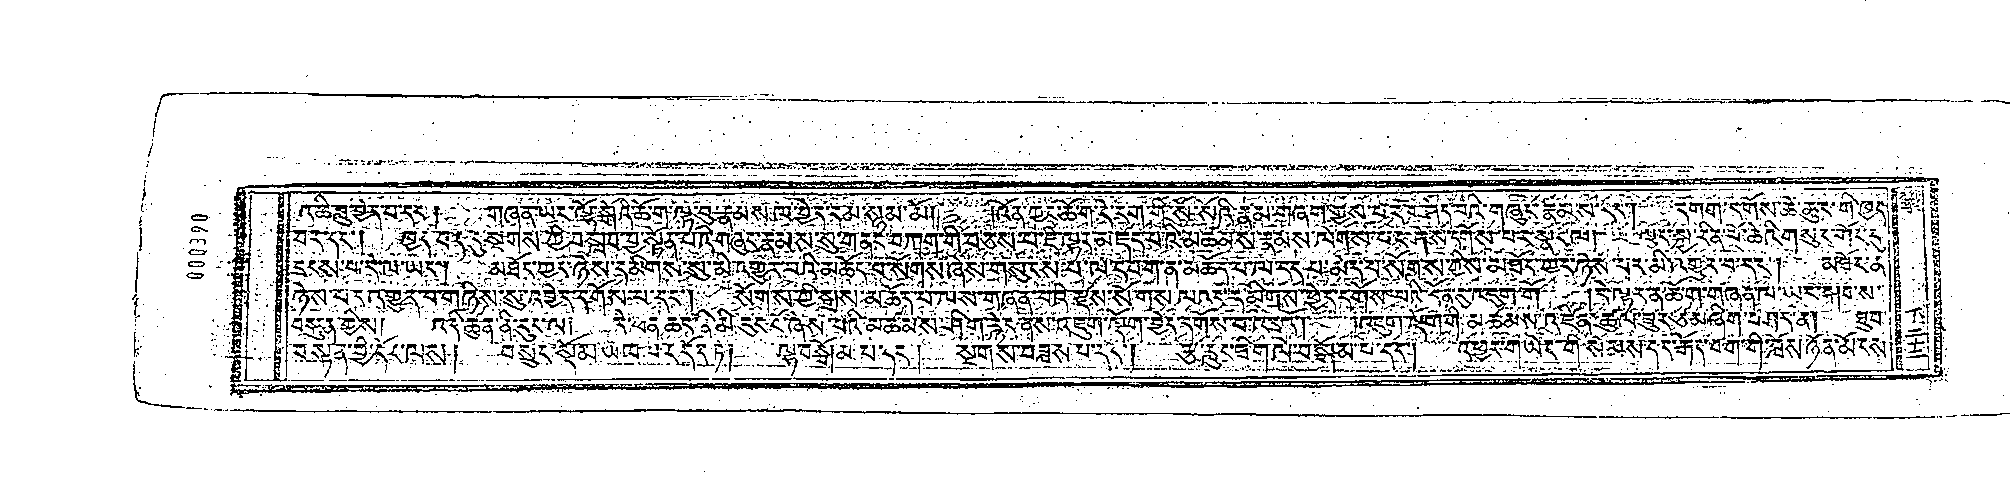འཆི་བླུ་བྱེད་པ་དང་། གཞན་ཡང་ལྷོ་སྒོའི་ཆོ་ག་ལྟ་བུ་རྣམས་ལ་བྱེད་དམ་སྙམ་མོ། །འོན་ཀྱང་ཆོ་ག་དེ་དག་གི་སོ་སོའི་རྣམ་གཞག་རྒྱས་པར་བཤད་པའི་གཞུང་རྣམས་དང་། དགག་དགོས་ཆེ་ཆུང་གི་ཁྱད་
བར་དང་། ཁྱད་བར་དུ་སྔགས་ཀྱི་བསླབ་བྱ་སྟོན་པའི་གཞུང་རྣམས་སུ་གནང་བཀག་གི་བཅས་པ་ཇི་ལྟར་མཛད་པའི་མཚམས་རྣམས་ལེགས་པར་ཤེས་དགོས་པར་སྣང་ལ། ལྕང་སྐྱ་རིན་པོ་ཆེའི་གསུང་གོང་དུ་
དྲངས་པ་དེ་ལ་ཡང་། མཐོང་ཀྱང་ཉེས་དམིགས་སུ་མི་འགྱུར་བའི་མཆོད་པ་སོགས་ཞེས་གསུངས་པ་ལ་དཔག་ན་མཆོད་པ་ལ་དད་པ་མེད་པ་སོགས་ཀྱིས་མཐོང་ཀྱང་ཉེས་པར་མི་འགྱུར་བ་དང་། མཐོང་ན་
ཉེས་པར་འགྱུར་བ་གཉིས་སུ་འབྱེད་དགོས་པ་དང་། སོགས་ཀྱི་སྒྲས་མཆོད་པ་ལས་གཞན་པའི་རྫས་སོགས་ལའང་དམིགས་ཕྱེད་དགོས་པའི་དོན་དུ་འདུག་གོ །དེ་ལྟར་ན་ཆོ་ག་གཞན་ལ་ཡང་སྐབས་
བསྟུན་གྱིས། འདི་ཚུན་ནི་དུང་ལ། དེ་ཕན་ཆད་ནི་མི་རུང་ངོ་ཞེས་པའི་མཚམས་ཤིག་རྙེད་ནས་འཇུག་ལྡོག་བྱེད་དགོས་བ་འདྲའོ། །འཇུག་ལྡོག་གི་མཚམས་འཛིན་ཚུལ་ཟུར་ཙམ་ཞིག་བཤད་ན། ཐུབ་
བསྟན་བྱི་དོང་ལས། བསྲུང་སྡོམ་ཡལ་བར་དོར་ཏེ། ལྷ་བསྒོམ་པ་དང་། སྔགས་བཟླས་པ་དང་། རྩ་རླུང་ཐིག་ལེ་བསྒོམ་པ་དང་། འཕྱར་གཡེང་གི་སེམས་དང་རྒོད་བག་གི་བློས་ཉོན་མོངས་